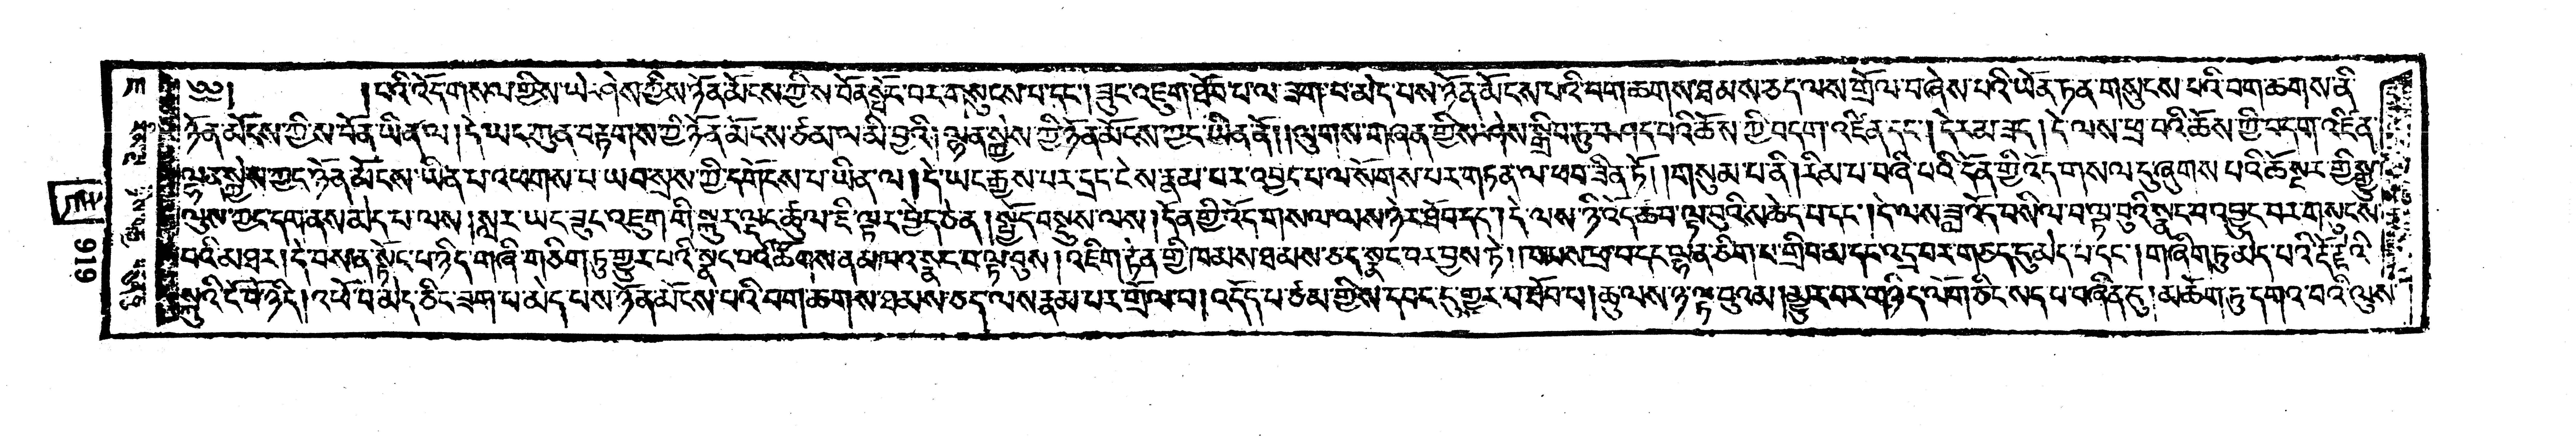༄༅། །པའི་འོད་གསལ་གྱིས་ཡེ་ཤེས་ཀྱིས་ཉོན་མོངས་ཀྱི་ས་བོན་སྤོང་བར་གསུངས་པ་དང་། ཟུང་འཇུག་ཐོབ་པ་ལ་ཟག་པ་མེད་པས་ཉོན་མོངས་པའི་བག་ཆགས་ཐམས་ཅད་ལས་གྲོལ་བ་ཞེས་པའི་ཡོན་ཏན་གསུངས་པའི་བག་ཆགས་ནི་
ཉོན་མོངས་ཀྱི་ས་བོན་ཡིན་ལ། དེ་ཡང་ཀུན་བརྟགས་ཀྱི་ཉོན་མོངས་ཙམ་ལ་མི་བྱའི། ལྷན་སྐྱེས་ཀྱི་ཉོན་མོངས་ཀྱང་ཡིན་ནོ། །ལུགས་གཞན་གྱིས་ཤེས་སྒྲིབ་ཏུ་བཤད་པའི་ཆོས་ཀྱི་བདག་འཛིན་དང་། དེར་མ་ཟད། དེ་ལས་ཕྲ་བའི་ཆོས་ཀྱི་བདག་འཛིན་
ལྷན་སྐྱེས་ཀྱང་ཉོན་མོངས་ཡིན་པ་འཕགས་པ་ཡབ་སྲས་ཀྱི་དགོངས་པ་ཡིན་ལ། དེ་ཡང་རྒྱས་པར་དྲང་ངེས་རྣམ་པར་འབྱེད་པ་ལ་སོགས་པར་གཏན་ལ་ཕབ་ཟིན་ཏོ། །གསུམ་པ་ནི། རིམ་པ་བཞི་པའི་དོན་གྱི་འོད་གསལ་དུ་ཞུགས་པའི་ཚེ་སྔར་གྱི་སྒྱུ་
ལུས་ཀྱང་དག་ནས་མེད་པ་ལས། སླར་ཡང་ཟུང་འཇུག་གི་སྐུར་ལྡང་ཚུལ་ཇི་ལྟར་བྱེད་ཅེ་ན། སྤྱོད་བསྡུས་ལས། དོན་གྱི་འོད་གསལ་ལས་ཉེར་ཐོབ་དང་། དེ་ལས་ཉི་འོད་ཚ་བ་ལྟ་བུའི་མཆེད་པ་དང་། དེ་ལས་ཟླ་འོད་བསིལ་བ་ལྟ་བུའི་སྣང་བ་འབྱུང་བར་གསུངས་
པའི་མཐར། དེ་བས་ན་སྟོང་པ་ཉིད་གཞི་གཅིག་ཏུ་གྱུར་པའི་སྣང་བའི་ཚོགས་ནམ་མཁའ་སྣང་བ་ལྟ་བུས། འཇིག་རྟེན་གྱི་ཁམས་ཐམས་ཅད་སྣང་བར་བྱས་ཏེ། ཁམས་ཕྲ་བ་དང་ལྷན་ཅིག་པ་གྲིབ་མ་དང་འདྲ་བར་གཅད་དུ་མེད་པ་དང་། གཞིག་ཏུ་མེད་པའི་རྡོ་རྗེའི་
སྐུའི་ངོ་བོ་ཉིད། འཕོ་བ་མེད་ཅིང་ཟག་པ་མེད་པས་ཉོན་མོངས་པའི་བག་ཆགས་ཐམས་ཅད་ལས་རྣམ་པར་གྲོལ་བ། འདོད་པ་ཙམ་གྱིས་དབང་དུ་གྱུར་པ་ཐོབ་པ། ཆུ་ལས་ཉ་ལྟ་བུའམ། མྱུར་བར་གཉིད་ལོག་ཅིང་སད་པ་བཞིན་དུ། མཆོག་ཏུ་དགའ་བའི་ལུས་